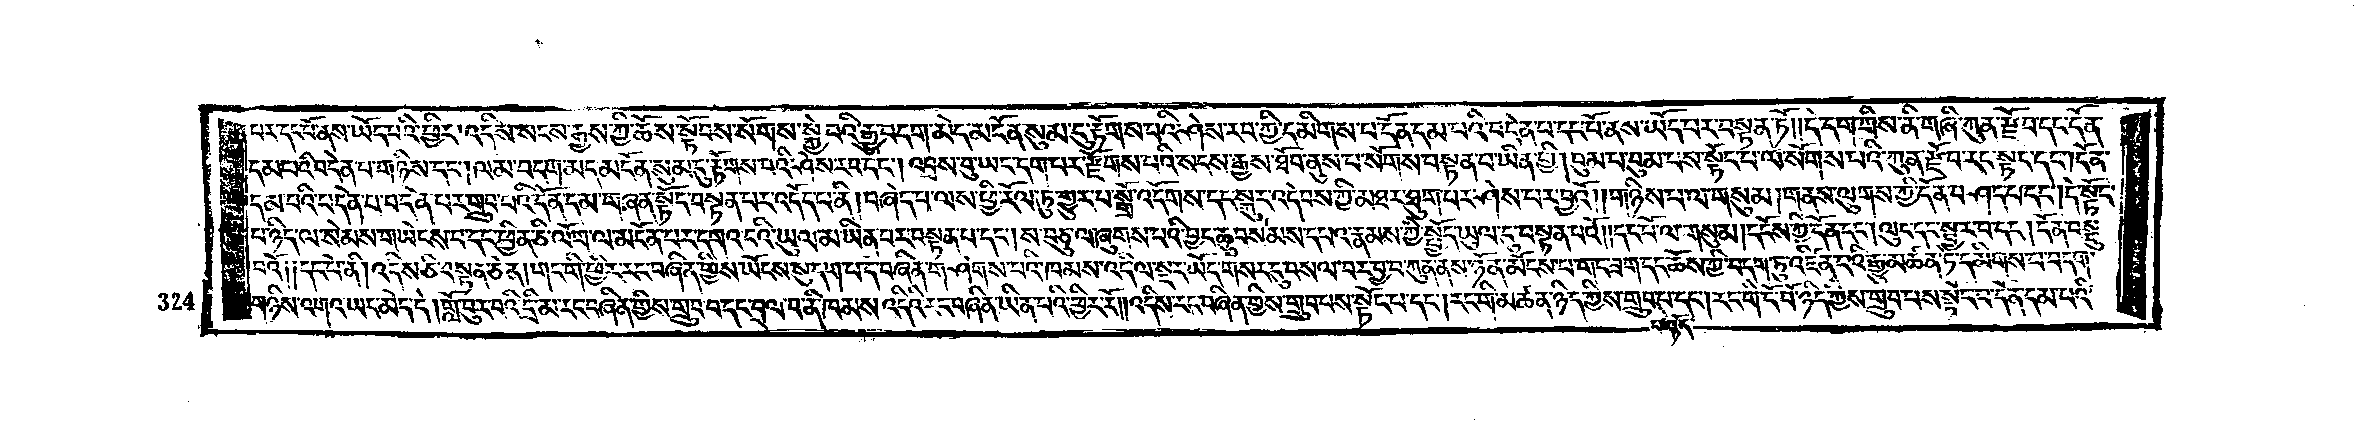པར་དང་པོ་ནས་ཡོད་པའི་ཕྱིར་འདིས་སངས་རྒྱས་ཀྱི་ཆོས་སྟོབས་སོགས་སྐྱེ་བའི་རྒྱུ་བདག་མེད་མངོན་སུམ་དུ་རྟོགས་པའི་ཤེས་རབ་ཀྱི་དམིགས་པ་དོན་དམ་པའི་བདེན་པ་དང་པོ་ནས་ཡོད་པར་བསྟན་ཏོ། །དེ་དག་གིས་ནི་གཞི་ཀུན་རྫོབ་དང་དོན་
དམ་པའི་བདེན་པ་གཉིས་དང་། ལམ་བདག་མེད་མངོན་སུམ་དུ་རྟོགས་པའི་ཤེས་རབ་དང་། འབྲས་བུ་ཡང་དག་པར་རྫོགས་པའི་སངས་རྒྱས་ཐོབ་ནུས་པ་སོགས་བསྟན་པ་ཡིན་གྱི་།བུམ་པ་བུམ་པས་སྟོང་པ་ལ་སོགས་པའི་ཀུན་རྫོབ་རང་སྟང་དང་། དོན་
དམ་པའི་བདེན་པ་བདེན་པར་གྲུབ་པའི་དོན་དམ་གཞན་སྟོང་བསྟན་པར་འདོད་པ་ནི། བཞེད་པ་ལས་ཕྱི་རོལ་ཏུ་གྱུར་པ་སྒྲོ་འདོགས་དང་སྐུར་འདེབས་ཀྱི་མཐར་ཐུག་པར་ཤེས་པར་བྱའོ། །གཉིས་པ་ལ་གསུམ། གནས་ལུགས་ཀྱི་དོན་བཤད་པ་དང་། དེ་སྟོང་
པ་ཉིད་ལ་སེམས་གཡེངས་པ་དང་ཕྱིན་ཅི་ལོག་ལ་མངོན་པར་དགའ་བའི་ཡུལ་མ་ཡིན་པར་བསྟན་པ་དང་། ས་བཅུ་ལ་ཞུགས་པའི་བྱང་ཆུབ་སེམས་དཔའ་རྣམས་ཀྱི་སྤྱོད་ཡུལ་དུ་བསྟན་པའོ། །དང་པོ་ལ་གསུམ། དངོས་ཀྱི་དོན་དང་། ལུང་དང་སྦྱར་བ་དང་། དོན་བསྡུ་
བའོ༑ ༑དང་པོ་ནི། འདིས་ཅི་བསྟན་ཅེ་ན། གང་གི་ཕྱིར་རང་བཞིན་གྱིས་ཡོངས་སུ་དག་པ་དེ་བཞིན་གཤེགས་པའི་ཁམས་འདི་ལ་སྔར་ཡོད་གསར་དུ་བསལ་བར་བྱ་བ་ཀུན་ནས་ཉོན་མོངས་པ་གང་ཟག་དང་ཆོས་ཀྱི་བདག་ཏུ་འཛིན་པའི་རྒྱུ་མཚན་ཏེ་དམིགས་པ་བདག་
གཉིས་འགའ་ཡང་མེད་དེ། གློ་བུར་བའི་དྲི་མ་རང་བཞིན་གྱིས་གྲུབ་པ་དང་བྲལ་བ་ནི་ཁམས་འདིའི་རང་བཞིན་ཡིན་པའི་ཕྱིར་རོ། །འདིས་རང་བཞིན་གྱིས་གྲུབ་པས་སྟོང་པ་དང་། རང་གི་མཚན་ཉིད་ཀྱིས་གྲུབ་པ་སྟོང་པ་དང་། རང་གི་ངོ་བོ་ཉིད་ཀྱིས་གྲུབ་པས་སྟོང་པ་དོན་དམ་པའི་